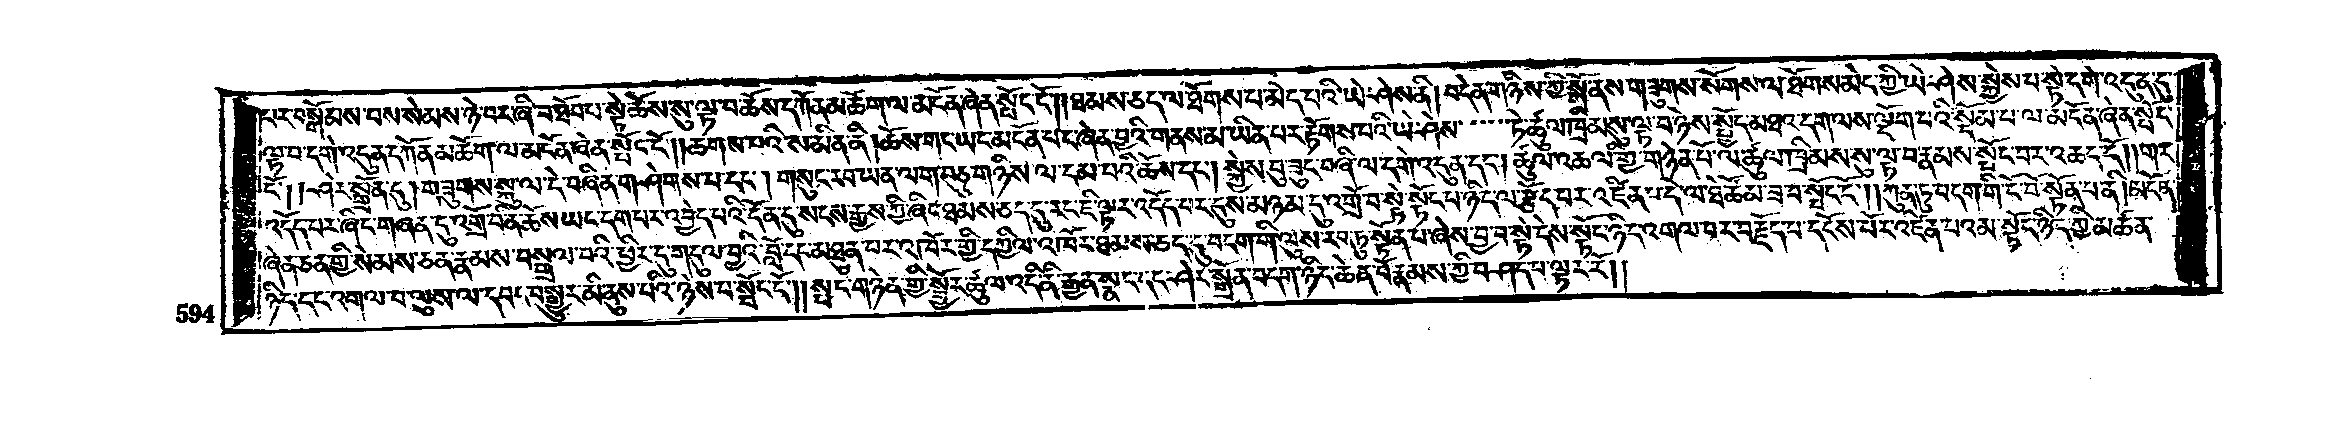པར་བསྒོམས་པས་སེམས་ཉེ་བར་ཞི་བ་ཐོབ་པ་སྟེ་ཆོས་སུ་ལྟ་བ་ཆོས་དཀོན་མཆོག་ལ་མངོན་ཞེན་སྤོང་ངོ། །ཐམས་ཅད་ལ་ཐོགས་པ་མེད་པའི་ཡེ་ཤེས་ནི། བདེན་གཉིས་ཀྱི་སྒོ་ནས་གཟུགས་སོགས་ལ་ཐོགས་མེད་ཀྱི་ཡེ་ཤེས་སྐྱེས་པ་སྟེ་དགེ་འདུན་དུ་
ལྟ་བ་དགེ་འདུན་དཀོན་མཆོག་ལ་མངོན་ཞེན་སྤོང་ངོ། །ཆགས་པའི་ས་མིན་ནི། ཆོས་གང་ཡང་མངོན་པར་ཞེན་བྱའི་གནས་མ་ཡིན་པར་རྟོགས་པའི་ཡེ་ཤེས་ཏེ་ཚུལ་ཁྲིམས་སུ་ལྟ་བ་ཉེས་སྤྱོད་མཐའ་དག་ལས་ལྡོག་པའི་སྡོམ་པ་ལ་མངོན་ཞེན་སྤོང་
ངོ། །ཤེར་སྒྲོན་དུ། གཟུགས་སྐུ་ལ་དེ་བཞིན་གཤེགས་པ་དང་། གསུང་རབ་ཡན་ལག་བཅུ་གཉིས་ལ་དམ་པའི་ཆོས་དང་། སྐྱེས་བུ་ཟུང་བཞི་ལ་དགེ་འདུན་དང་། ཚུལ་འཆལ་གྱི་གཉེན་པོ་ལ་ཚུལ་ཁྲིམས་སུ་ལྟ་བ་རྣམས་སྤོང་བར་འཆད་དོ། །གར་
འདོད་པར་ཞིང་གཞན་དུ་འགྲོ་བ་ནི་ཆོས་ཡང་དག་པར་འབྱེད་པའི་དོན་དུ་སངས་རྒྱས་ཀྱི་ཞིང་ཐམས་ཅད་དུ་རང་ཇི་ལྟར་འདོད་པར་དུས་མཉམ་དུ་འགྲོ་བ་སྟེ་སྟོང་པ་ཉིད་ལ་རྩོད་པར་འཛིན་པ་དེ་ལ་ཐེ་ཚོམ་ཟ་བ་སྤོང་ངོ། །ཀུན་ཏུ་བདག་གི་ངོ་བོ་སྟོན་པ་ནི། མངོན་
ཞེན་ཅན་གྱི་སེམས་ཅན་རྣམས་བསྒྲེལ་བའི་ཕྱིར་དུ་གདུལ་བྱའི་བློ་དང་མཐུན་པར་འཁོར་གྱི་དཀྱིལ་འཁོར་ཐམས་ཅད་དུ་བདག་གི་ལུས་རབ་ཏུ་སྟོན་པ་ཞེས་བྱ་བ་སྟེ་དེས་སྟོང་ཉིད་འགལ་བར་བརྗོད་པ་དངོས་པོར་འཛིན་པའམ་སྟོང་ཉིད་ཀྱི་མཚན་
ཉིད་དང་འགལ་བ་ལུས་ལ་དབང་བསྒྱུར་མི་ནུས་པའི་ཉེས་པ་སྤོང་ངོ། །སྤང་གཉེན་གྱི་སྦྱོར་ཚུལ་འདི་ནི་རྒྱན་སྣང་དང་ཤེར་སྒྲོན་བདག་ཉིད་ཆེན་པོ་རྣམས་ཀྱི་བཤད་པ་ལྟར་རོ།།